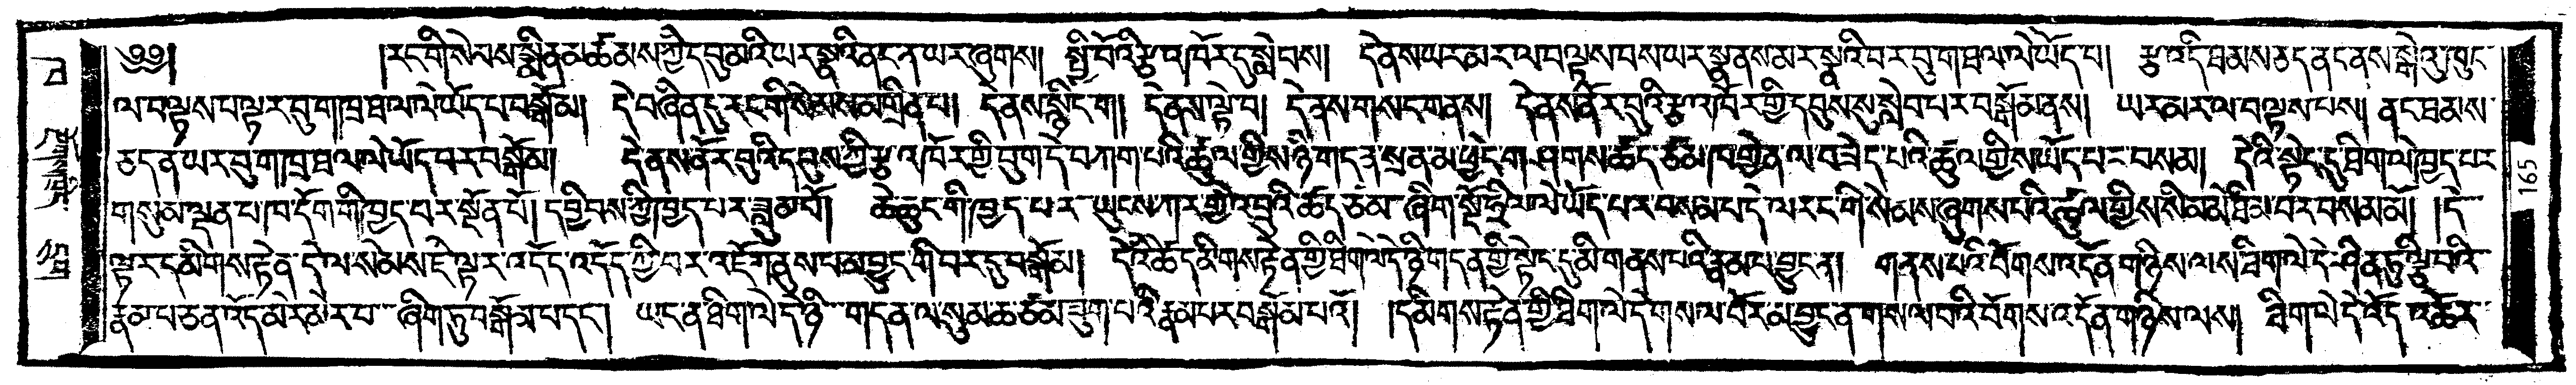༄༅། །རང་གི་སེམས་སྨིན་མཚམས་ཀྱི་དབུ་མའི་ཡར་སྣའི་ནང་ན་ཡར་ཞུགས། སྤྱི་བོའི་རྩ་འཁོར་དུ་སླེབས། དེ་ནས་ཡར་མར་ལ་བལྟས་བས་ཡར་སྣ་ནས་མར་སྣའི་བར་བུ་ག་ཐལ་ལེ་ཡོད་པ། རྩ་འདི་ཐམས་ཅད་ནང་ནས་སྒེའུ་ཁུང་
ལ་བལྟས་པ་ལྟར་བུ་ག་ཁྲ་ཐལ་ལེ་ཡོད་པ་བསྒོམ། དེ་བཞིན་དུ་རང་གི་སེམས་མགྲིན་པ། དེ་ནས་སྙིང་ག། དེ་ནས་ལྟེ་བ། དེ་ནས་གསང་གནས། དེ་ནས་ནོར་བུའི་རྩ་འཁོར་གྱི་དབུས་སུ་སླེབ་པར་བསྒོམ་ནས། ཡར་མར་ལ་བལྟས་པས། ནང་ཐམས་
ཅད་ན་ཡར་བུག་ཁྲ་ཐལ་ལེ་ཡོད་པར་བསྒོམ། དེ་ནས་ནོར་བུའི་དབུས་ཀྱི་རྩ་འཁོར་གྱི་བུག་དེ་བཀག་པའི་ཚུལ་གྱིས་ཉི་གདན་སྲན་མ་ཕྱེད་གཤགས་ཚད་ཙམ་ཁ་གྱེན་ལ་བཟེད་པའི་ཚུལ་གྱིས་ཡོད་པར་བསམ། དེའི་སྟེང་དུ་ཐིག་ལེ་ཁྱད་པར་
གསུམ་ལྡན་པ་ཁ་དོག་གི་ཁྱད་པར་སྔོན་པོ། དབྱིབས་ཀྱི་ཁྱད་པར་ཟླུམ་པོ། ཆེ་ཆུང་གི་ཁྱད་པར་ཡུངས་ཀར་གྱི་འབྲུའི་ཚད་ཙམ་ཞིག་སྔོ་ཧྲིལ་ལེ་ཡོད་པར་བསམ་པ་དེ་ལ་རང་གི་སེམས་ཞུགས་པའི་ཚུལ་གྱིས་སིམ་མེ་ཐིམ་པར་བསམ་མོ། །དེ་
ལྟར་དམིགས་རྟེན་དེ་ལ་སེམས་ཇི་ལྟར་འདོད་འདོད་ཀྱི་བར་འཇོག་ནུས་པ་མ་བྱུང་གི་བར་དུ་བསྒོམ། དེའི་ཚེ་དམིགས་རྟེན་གྱི་ཐིག་ལེ་དེ་ཉིད་གདན་གྱི་སྟེང་དུ་མི་གནས་པའི་རྣམ་པ་བྱུང་ན། གནས་པའི་བོགས་འདོན་གཉིས་ལས་ཐིག་ལེ་དེ་ཤིན་ཏུ་ལྕི་བའི་
རྣམ་པ་ཅན་འོད་མེར་མེར་བ་ཞིག་ཏུ་བསྒོམ་པ་དང་། ཡང་ན་ཐིག་ལེ་དེ་ཉི་གདན་ལ་སུམ་ཆ་ཙམ་ཟུག་པའི་རྣམ་པར་བསྒོམ་པའོ། །དམིགས་རྟེན་གྱི་ཐིག་ལེ་དེ་གསལ་བོར་མ་བྱུང་ན་གསལ་བའི་བོགས་འདོན་གཉིས་ལས། ཐིག་ལེ་དེ་འོད་འཚོར་